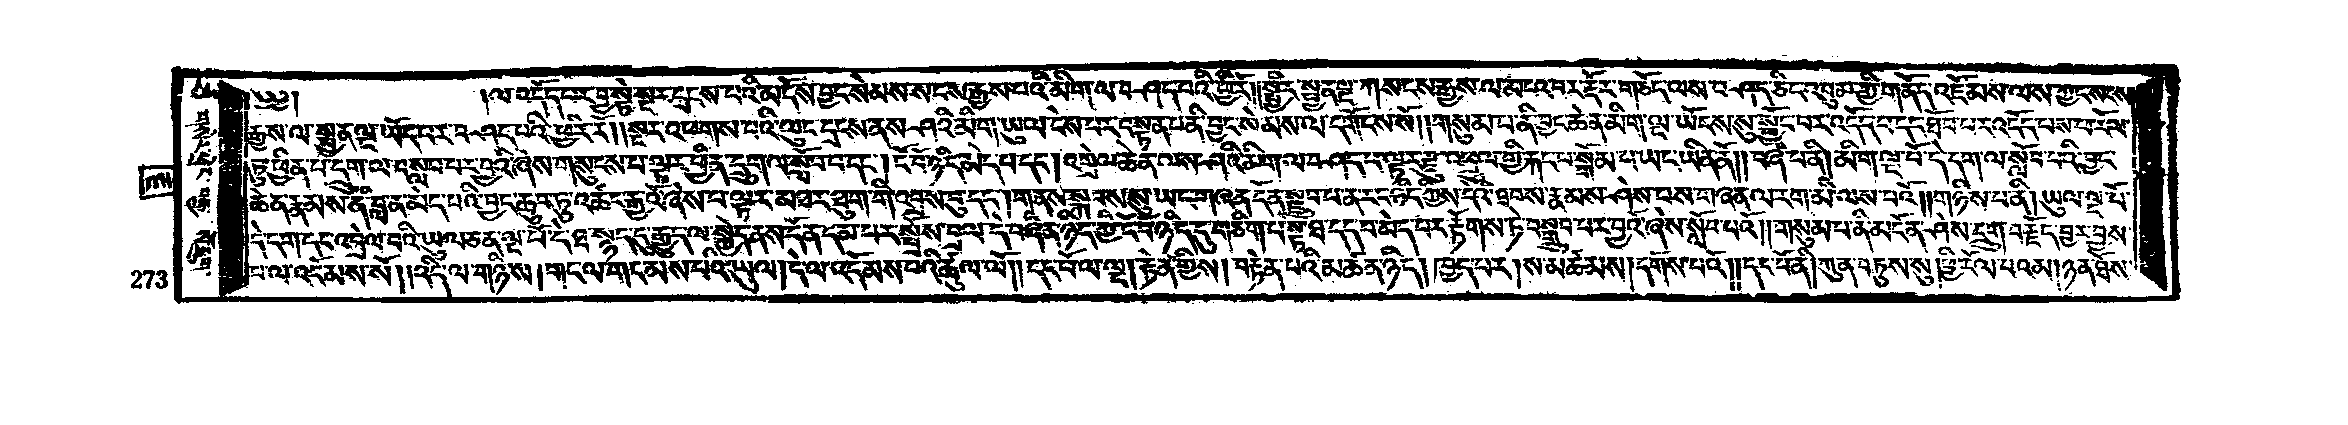༄༅། །ལ་འདོད་པར་བྱ་སྟེ་སྔར་དྲངས་པའི་མདོས་བྱང་སེམས་སངས་རྒྱས་པའི་མིག་ལ་བཤད་པའི་ཕྱིར་རོ། །སྤྱིར་སྤྱན་ལྔ་ཀ་སངས་རྒྱས་ལ་མངའ་བར་རྡོར་གཅོད་ལས་བཤད་ཅིང་འབུམ་གྱི་གནོད་འཇོམས་ལས་ཀྱང་སངས་
རྒྱས་ལ་སྤྱན་ལྔ་ཡོད་པར་བཤད་པའི་ཕྱིར་རོ། །སྔར་འཕགས་པའི་ལུང་དྲངས་ནས་ཤའི་མིག་ཡུལ་ངེས་པར་བསྟན་པ་ནི་བྱང་སེམས་ལ་དགོངས་སོ། །གསུམ་པ་ནི་བྱང་ཆེན་མིག་ལྔ་ཡོངས་སུ་སྦྱོང་བར་འདོད་པ་དང་ཐོབ་པར་འདོད་པས་ཕ་རོལ་
ཏུ་ཕྱིན་པ་དྲུག་ལ་བསླབ་པར་བྱའོ་ཞེས་གསུངས་པ་ལྟར་ཕྱིན་དྲུག་ལ་སློབ་པ་དང་། ངོ་བོ་ཉིད་མེད་པ་དང་། འགྲེལ་ཆེན་ལས་ཤའི་མིག་ལ་བཤད་པ་ལྟར་རྫུ་འཕྲུལ་གྱི་རྐང་པ་སྒོམ་པ་ཡང་ཡིན་ནོ། །བཞི་པ་ནི། མིག་ལྔ་པོ་དེ་དག་ལ་སློབ་པའི་བྱང་
ཆེན་རྣམས་ནི་བླ་ན་མེད་པའི་བྱང་ཆུབ་ཏུ་འཚང་རྒྱའོ་ཞེས་པ་ལྟར་མཐར་ཐུག་གི་འབྲས་བུ་དང་། གནས་སྐབས་སུ་ཡང་གཞན་དོན་སྒྲུབ་པ་ན་རང་ཉིད་ཀྱིས་དེའི་ཐབས་རྣམས་ཤེས་པས་གཞན་ལ་རག་མི་ལས་པའོ། །གཉིས་པ་ནི། ཡུལ་ལྔ་པོ་
དེ་དག་དང་འབྲལ་བའི་ཡུལ་ཅན་ལྔ་པོ་དེ་ཐ་སྙད་དུ་རྒྱུད་ལ་སྐྱེད་ནས་དོན་དམ་པར་སྤྲོས་བྲལ་དེ་བཞིན་ཉིད་ཀྱི་ངོ་བོ་ཉིད་དུ་གཅིག་པ་སྟེ་ཐ་དད་པ་མེད་པར་རྟོགས་ཏ་བསྒྲུབ་པར་བྱའོ་ཞེས་སློབ་པའོ། །གསུམ་པ་ནི་མངོན་ཤེས་དྲུག་བརྗོད་བྱར་བྱས་
པ་ལ་འདོམས་སོ། །འདི་ལ་གཉིས། གང་ལ་གདམས་པའི་ཡུལ། དེ་ལ་འདོམས་པའི་ཚུལ་ལོ། །དང་པོ་ལ་ལྔ། རྟེན་གྱིས། བརྟེན་པའི་མཚན་ཉིད། ཁྱད་པར། ས་མཚམས། དགོས་པའོ། །དང་པོ་ནི། ཀུན་བཏུས་སུ། ཕྱི་རོལ་པའམ། ཉན་ཐོས་